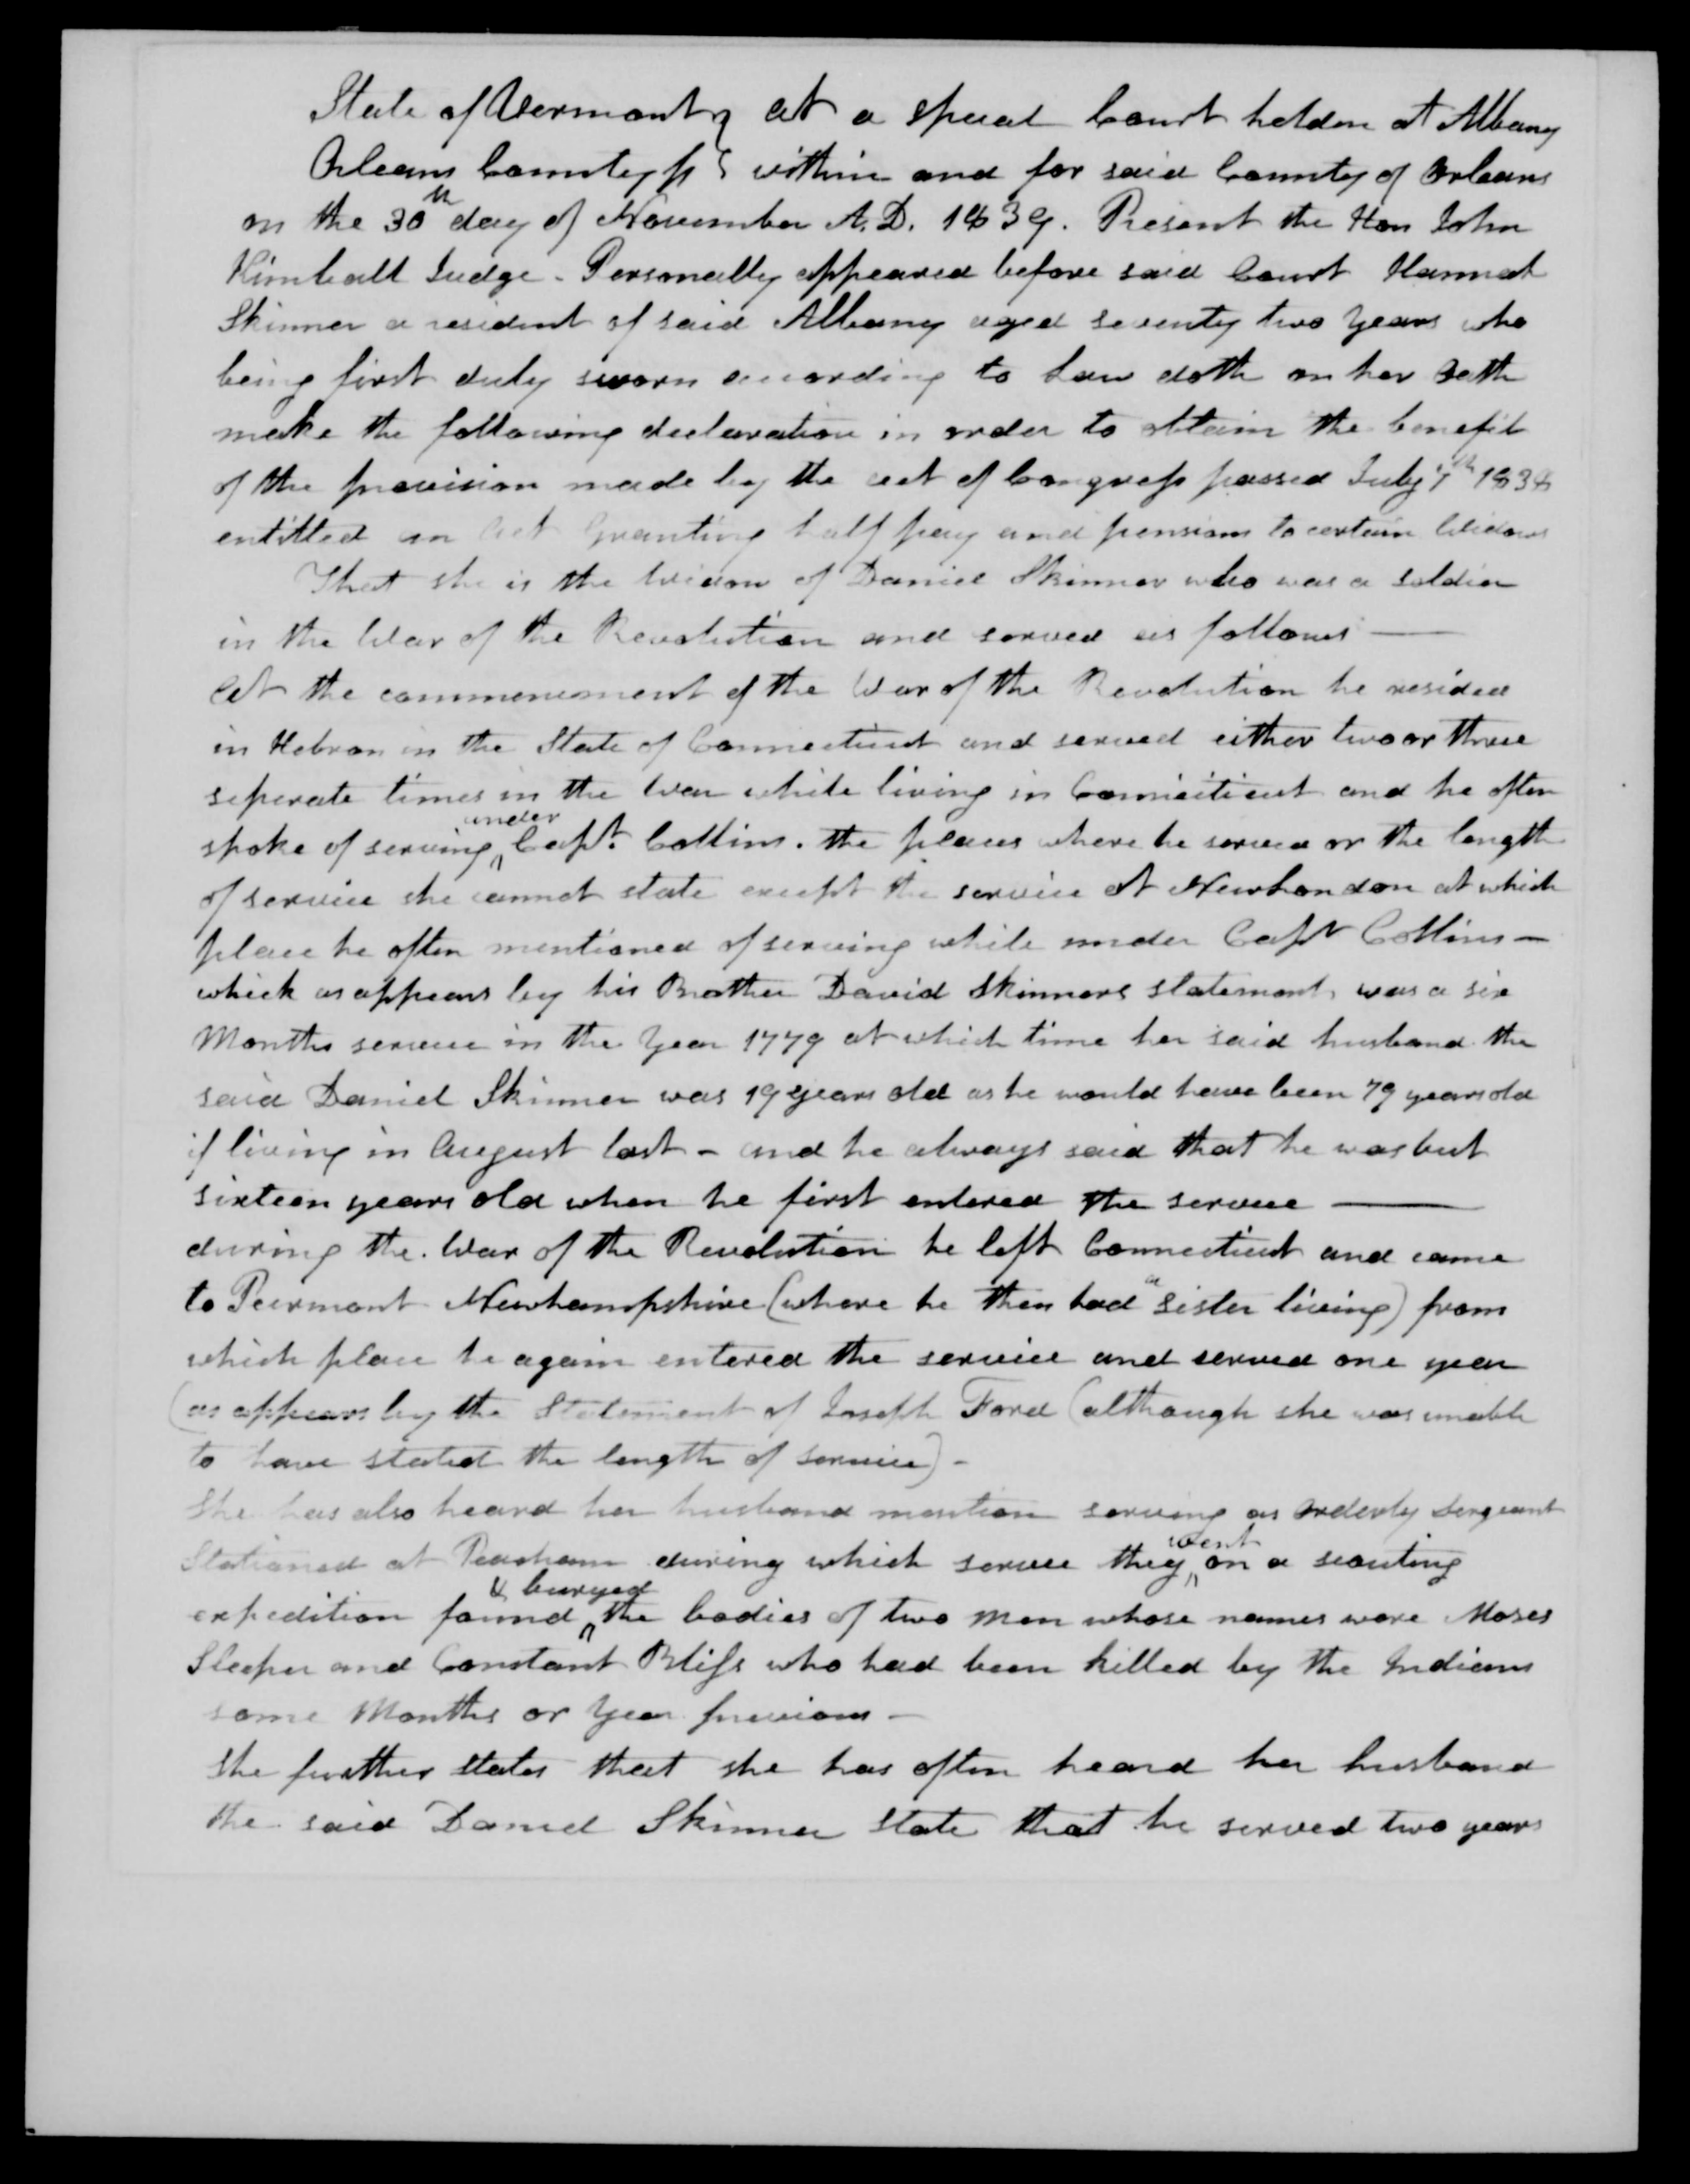State of Vermont at a special Court holden at Albany
Orleans County SS within and for said County of Orleans
on the 30th day of November A.D. 1839. Present the Hon John
Kimball Judge. Personally appeared before said Court Hannah
Skinner a resident of said Albany aged seventy two years who
being first duly sworn according to Law doth on her oath
make the following declaration in order to obtain the benefit
of the provision made by the act of Congress passed July 7th 1838
entitled an Act granting half pay and pensions to certain widows.
That she is the widow of Daniel Skinner who was a soldier
in the war of the Revolution and served as follows--
at the commencement of the war of the Revolution he resided
in Hebron in the State of Connecticut and served either two or three
separate times in the war while living in Connecticut and he often
spoke of serving under Capt Collins, the places where he served or the length 
of service she cannot state except the service of New London at which
place he often mentioned of serving while under Capt Collins --which
as appears by his Brother David Skinners statement, was a six
months service in the year 1779 at which time her said husband the
said Daniel Skinner was 19 years old as he would have been 79 years old
if living in August last-- and he always said that he was but
sixteen years old when he first entered the service---during the
War of the Revolution he left Connecticut and came to
Peinmont New Hampshire (where he then had a sister living), from
which place he again entered the service and served one year
(as appears by the statement of Joseph Ford (although she was unable
to have stated the length of service.)
She has also heard her husband mention serving as orderly Sergeant
stationed at Peacham during which service they went a scouting
expedition found & buried the bodies of two men whose names were Moses
Sleeper and Constant Bliss who had been killed by the Indians
same months or year previous--
She further states that she has often heard her husband
the said Daniel Skinner State that he served two years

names: John Kimball; Daniel Skinner; Constant Bliss; [BLANK] Collins; David Skinner; Moses Sleeper; [BLANK] Collins; Joseph Ford; Daniel Skinner; Daniel Skinner; Hannah Skinner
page: 4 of 46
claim: widow's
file: W. 24976, for Daniel Skinner, New Hampshire